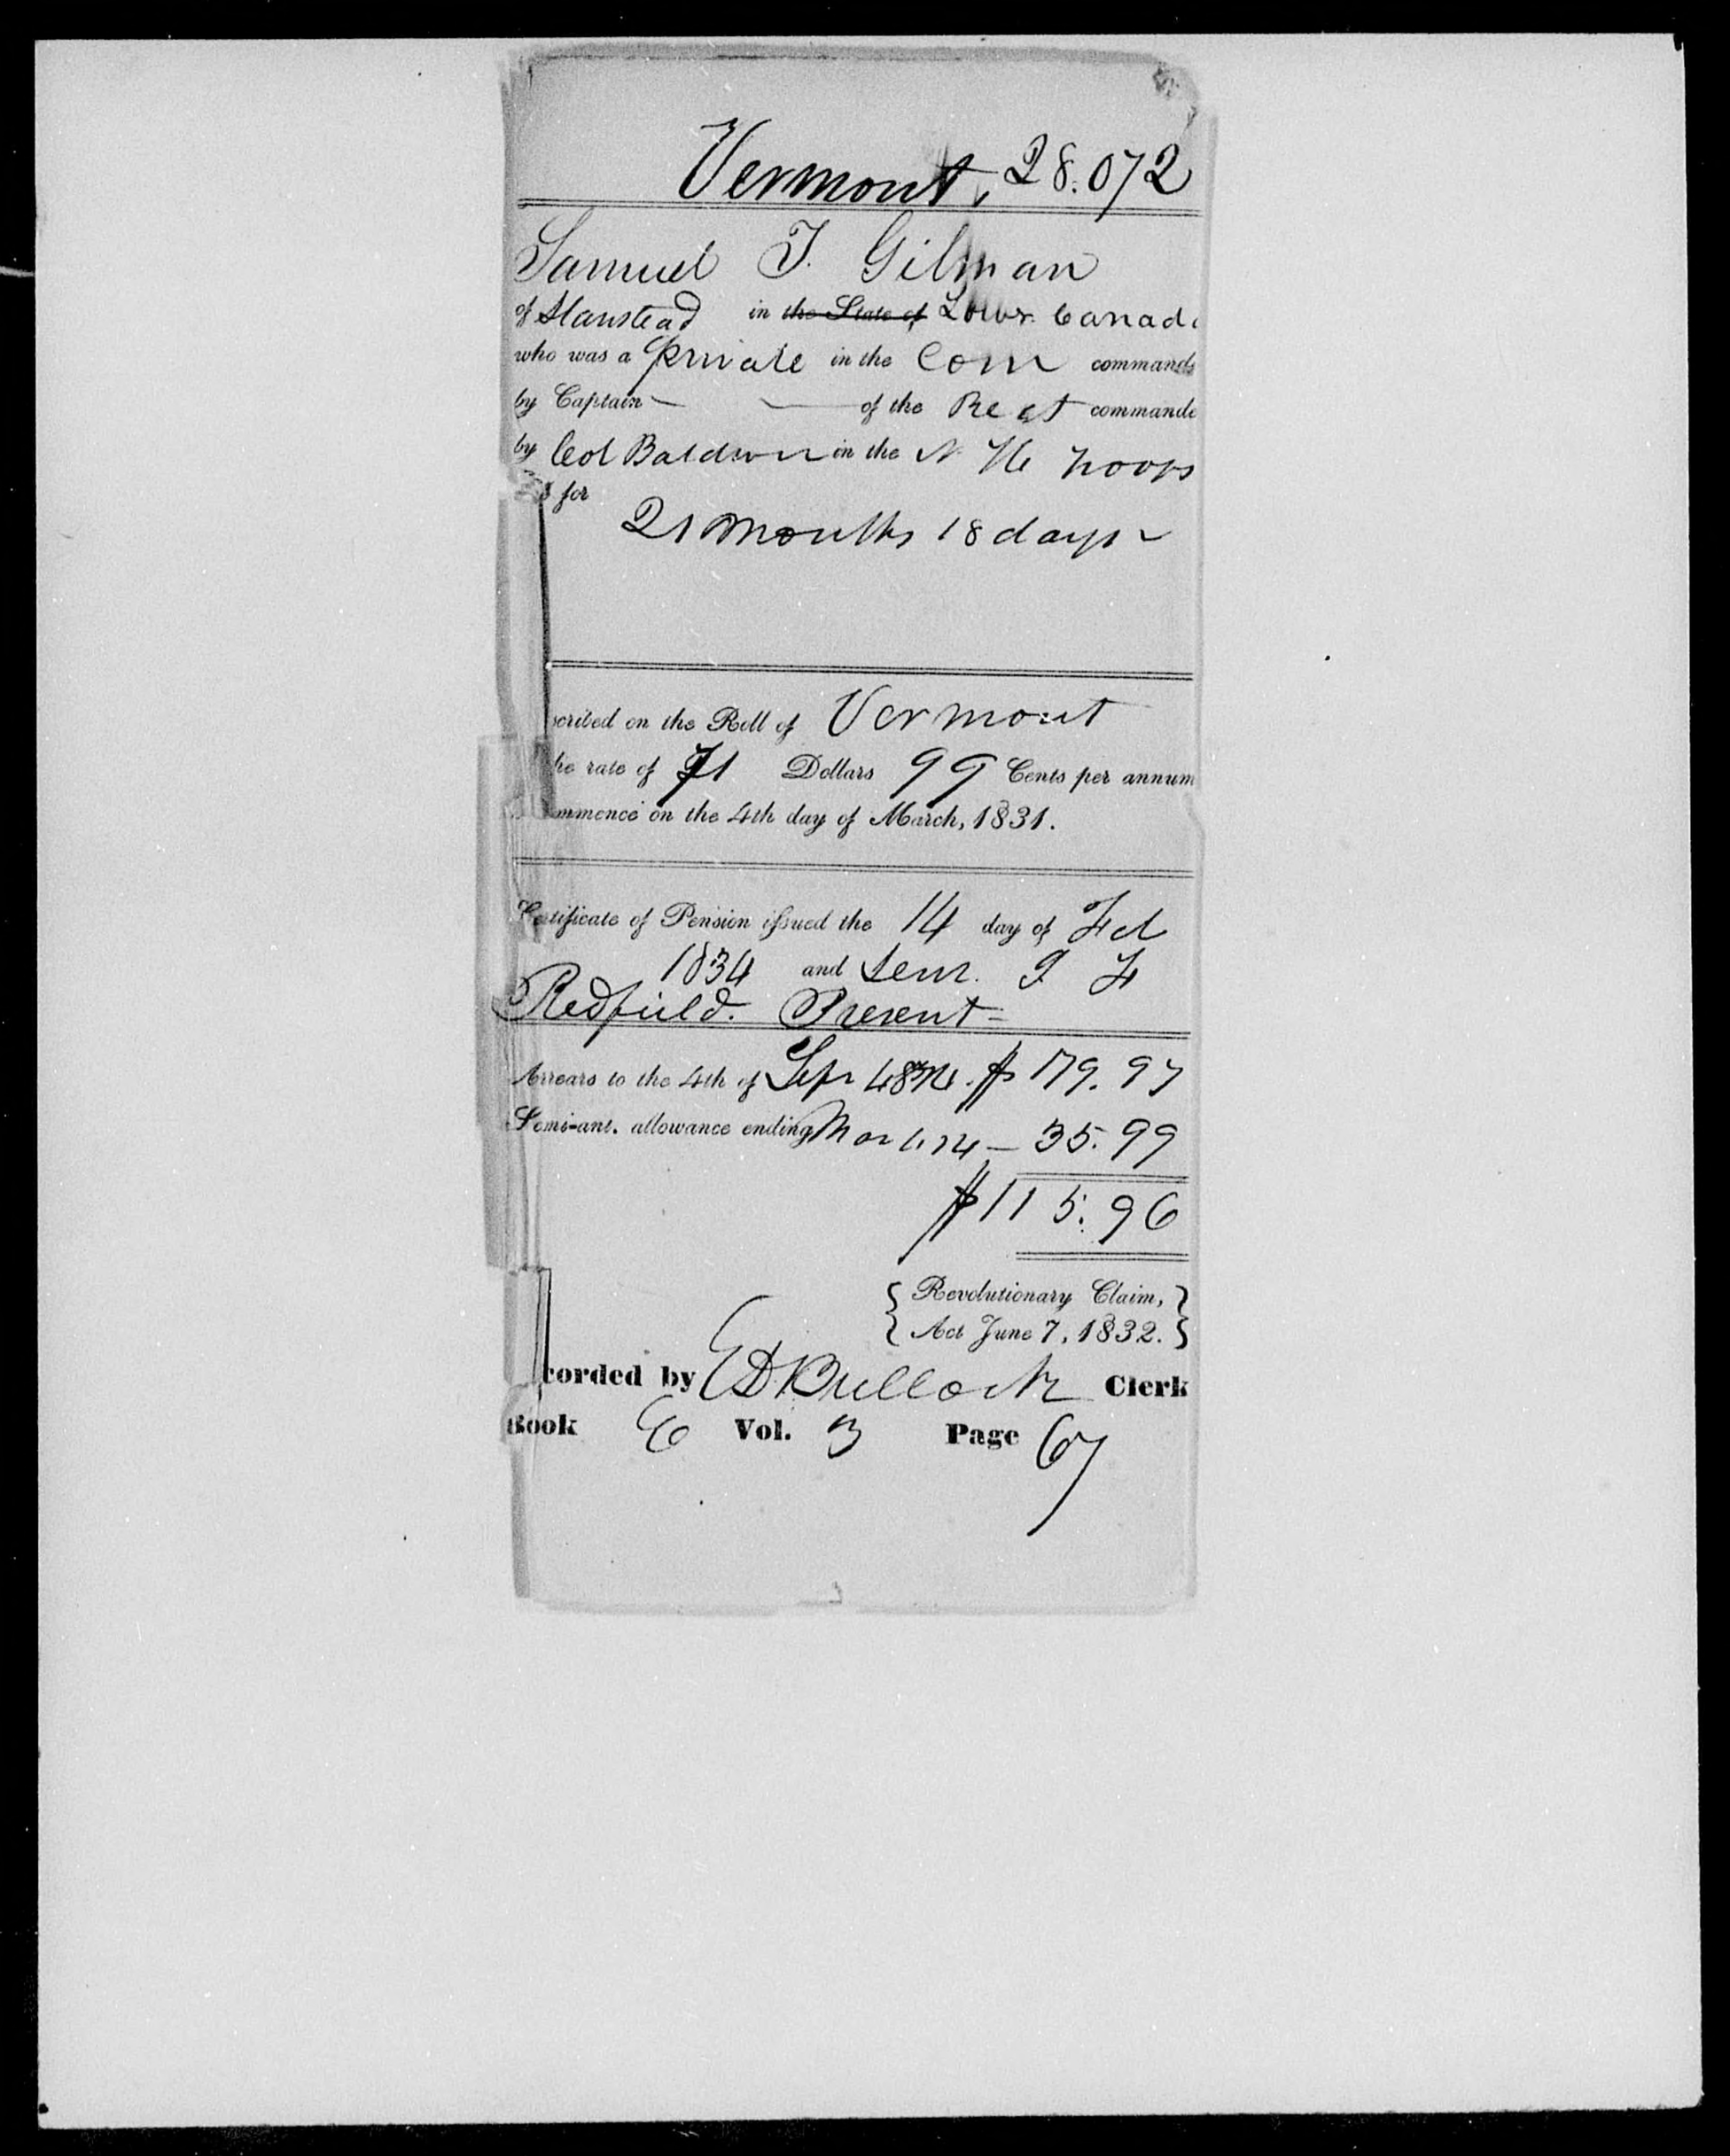Vermont 28,072
=====
Samuel T. Gilman
of Slanstead in Lower Canada
who was a private in the Corn Command
by Captain _____ of the Regt. commanded
by Col. Baldwin in the N.H. troops
for 21 months 18 days
=====
Inscribed on the Roll of Vermont
at the rate of 71 Dollars 99 Cents per annum
to commence on the 4th day of March, 1834.
=====
Certificate of Pension issued the 14 day of Feb
1834 and sent to S. F. Redfield Present
=====
Arrears to the 4th Sept [illegible] $179.97
Semi-anl, allowance ending Mar. [illegible] - 35.99
$115.96
{Revolutionary Claim, Act June 7, 1832.}
Recorded by E. D. Bullock Clerk
Book E Vol. 3 Page 67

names: E D Bullock, S F Redfield, Baldwin, Samuel T Gilman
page: 2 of 61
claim: widow's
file: W. 19500, Samuel Thing Gilman, Continental N.H.